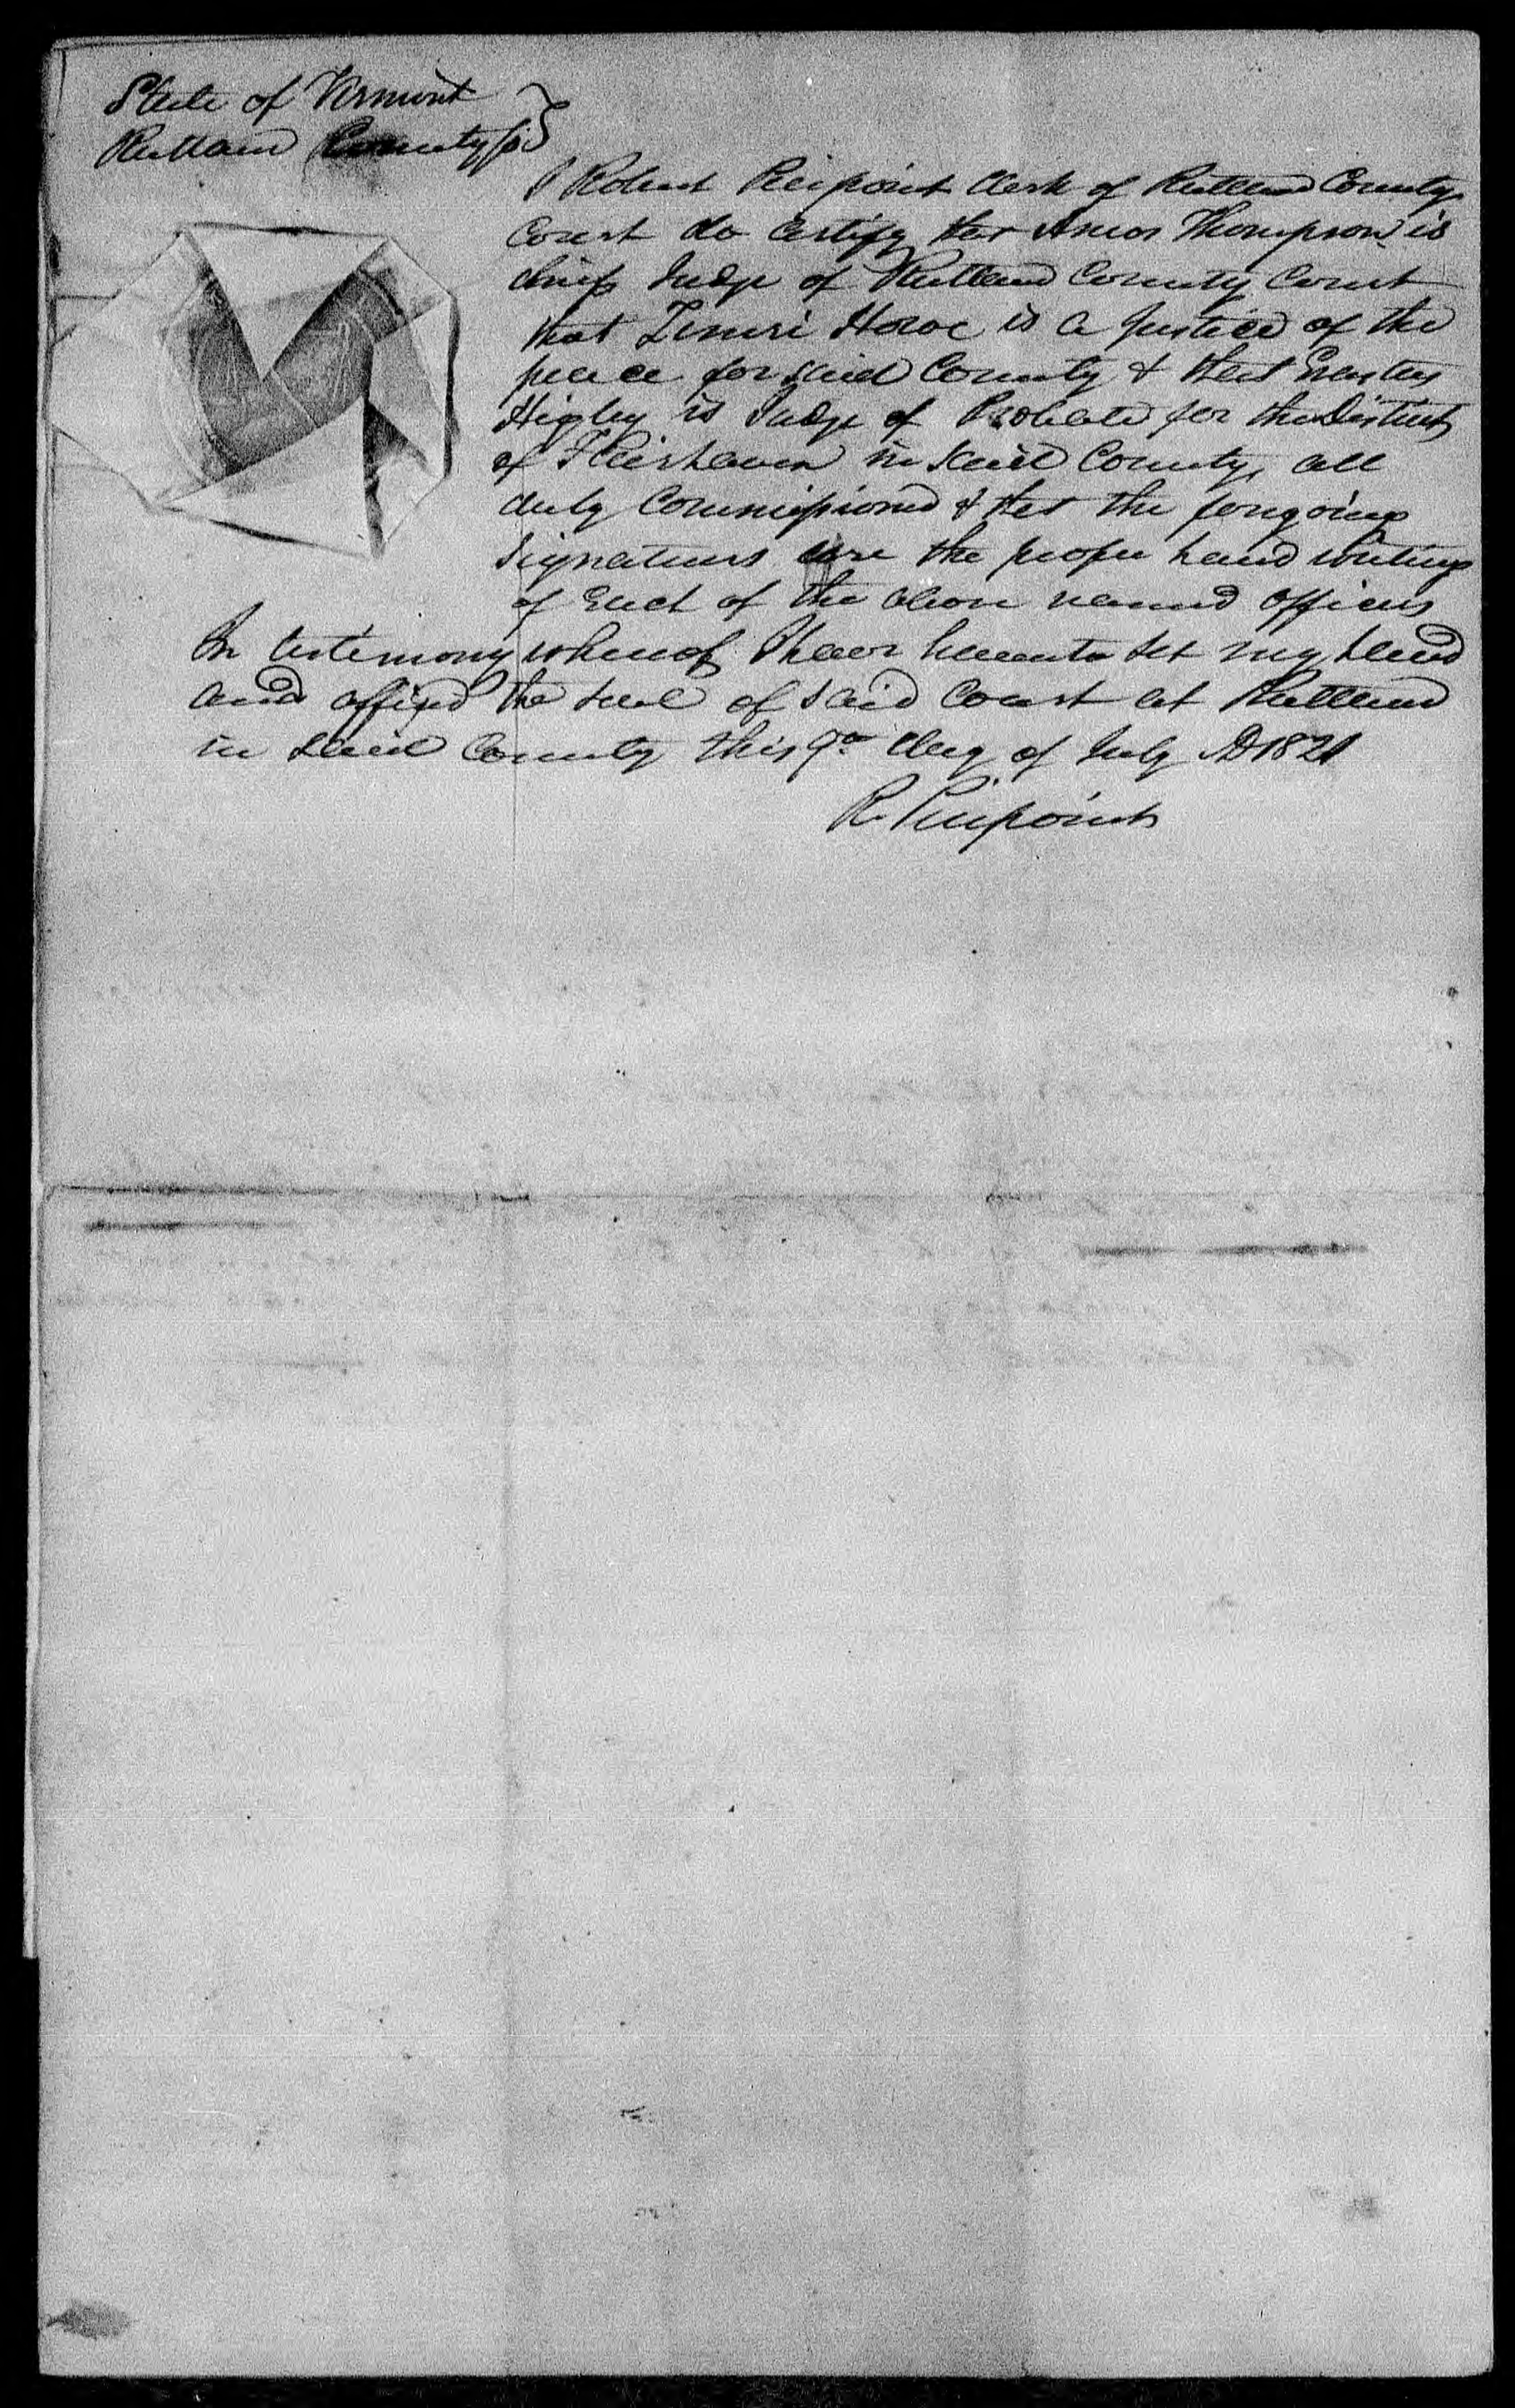State of Vermont  Rutland County ss}
I Robert Pierpoint Clerk of Rutland County Court do certify that Amos Thompson is chief judge of Rutland County Court that Zimri Howe is a Justice of the Peace for said county & that Erastus Hipley is Judge of Probate for the District of Fairhaven in said County, all duly commissioned & that the foregoing signatures are the proper hand writings of each of the above named officers
In testimony whereof I now hereunto set my hand and affixed the seal of said court at Rutland in said county this 9th day of July AD 1821   R Pierpoint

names: Zimri Howe, Amos Thompson, R Pierpoint, Robert Pierpoint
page: 18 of 30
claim: survivor's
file: S. 39306, Benjamin Chamberlin, Mass.